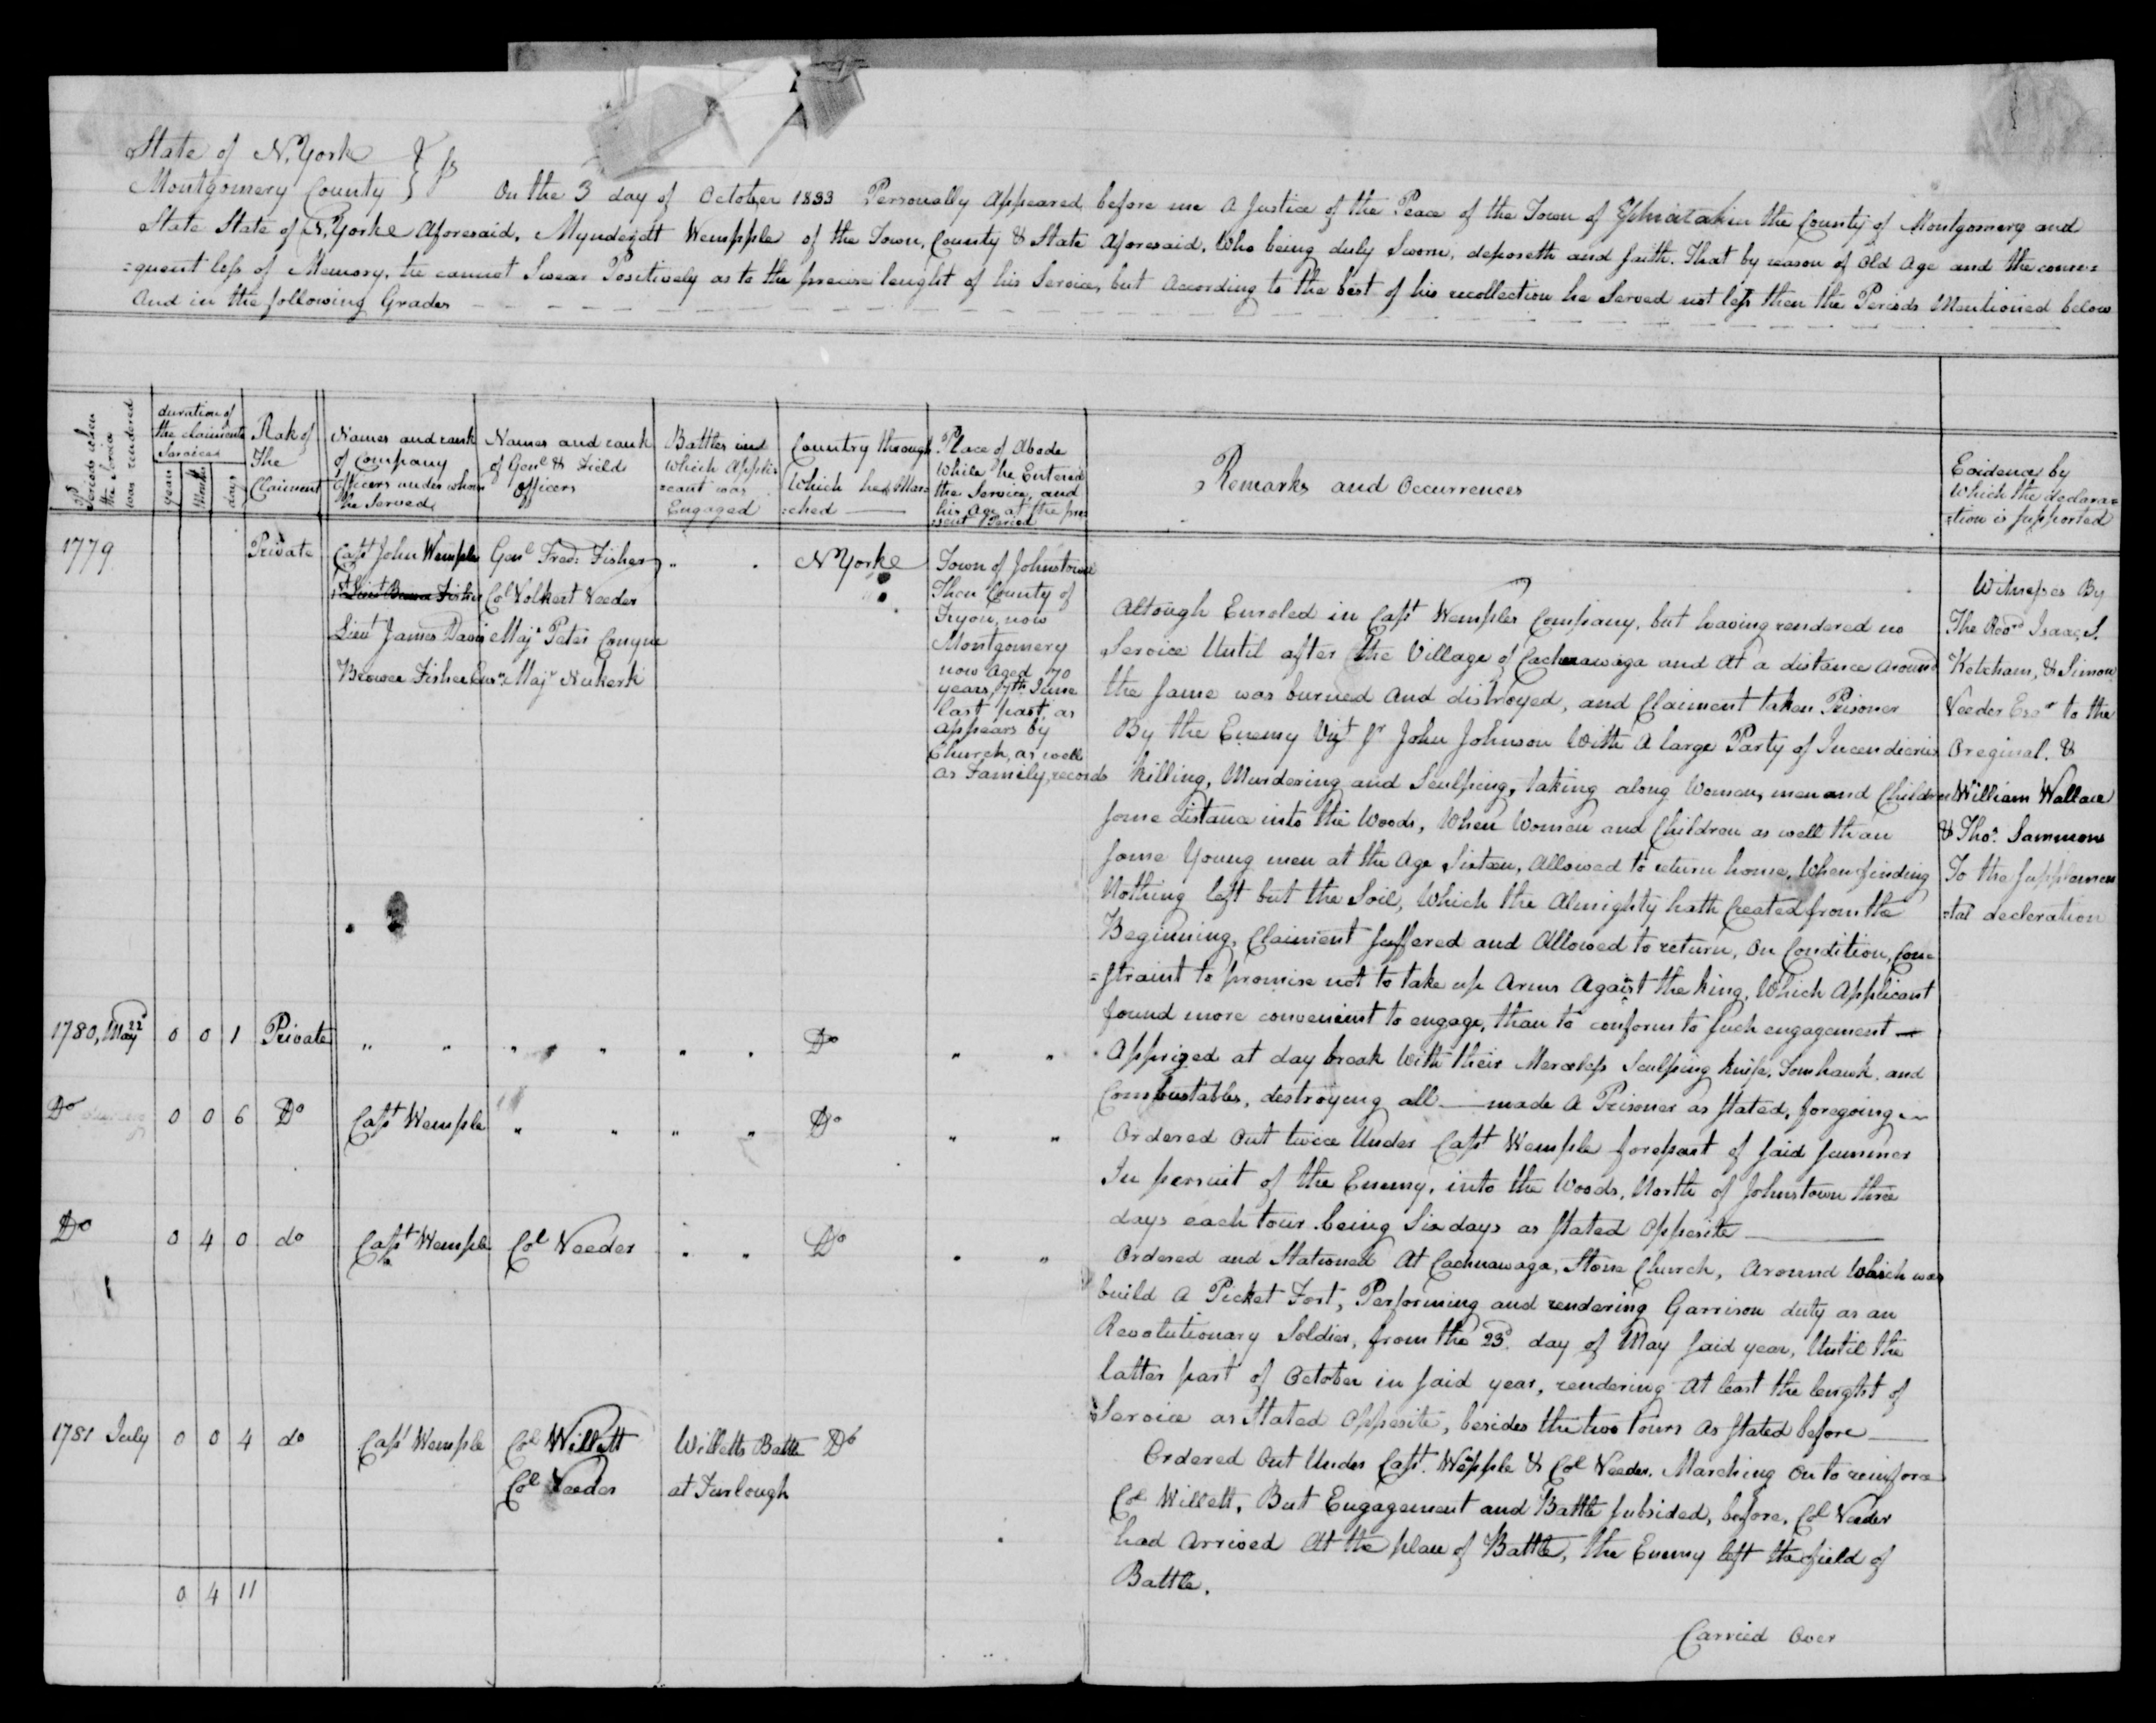State of N. York}
Montgomery County}  ss      on the 3d day of October 1833 Personally
appeared before me a Justice of the Peace of the Town of Ephiatah in the County of Montgomery and
State State of N. York aforesaid, Mynderdt(Myndert) Wemple of the Town, County & State aforesaid, who being duly sworn, deposeth and faith. That by reason of old age and the consequent
loss of Memory, he cannot Swear Positively as to the precise lenght(length) of his 
service, but according to the best of his recollection he Served not less then the Periods Mentioned below and in the following Grades
-----
Periods when the Service was rendered==
 1779

*1780, May 22d
+Do
^Do
|1781 July

duration of the claiment Services==
years / months/ days


*0    /  0    /        1/
+0   /   0    /     6 /
^0  /    4  /     0/
| 0  /  0   /   4  /
___________________(total line)
0 /  4   /  11  /

Rak of The Claiment==
Private 

*Private
+Do
^do
| do

Names and rank of Company Officers under whom he Served.==
Capt John  Wemple  
[crossed out--!st Lieut B[illegible] Fisher]
Lieut James Davis
Beswer Fisher Eus

* "     "
+Capt Wemple
^Capt Wemple
| Capt Wemple

Names and rank of Genl & Field Officers==
Genl Fred: Fisher
Col Volkert Veeder
Maj Peter Conyne
Maj Nukerk

* "   "
+  "   "
^Col Veeder
| Col Willet
| Col Veeder

Battles in which applicant was Engaged==

| Willetts Battle at Furlough

Country through which he marched---
N York

*Do
+Do
^Do
| Do

Place of abode while he Entered the Service, and his age at the present Period== 
Town of Johnstown Then County of Tryon, now Montgomery now aged 70 years, 7th June last past as appears by Church, as well as Family records

*  "  "
+  "  "
^  "   "

Remarks and Occurrences==

Altough Enroled(enrolled) in Capt Wemples Company, but having rendered us
Service until after the Village of Cachrawaga(Caughnawaga?) and at a distance around
the same was burned and distroyed(destroyed), and Claiment taken Prisoner
By the Enemy vizt Sir John Johnson with a large party of Incendiaries 
killing, murdering and Sculping, taking along Women, men and children
some distance into the woods, when women and children as well then
some Young men at the age Sixteen, allowed to return home, when finding
nothing left but the soil, which the almighty hath created from the
Beginning, Claiment suffered and allowed to return, on Condition,
Constraint to promise not to take up arms agaist(against) the king, which applicant
found more convenient to engage, than to conform to such engagement-
Apprized at day break with their Merceless scalping kinife, Tomhawk and
Combustables, destroying all-- made a Prisoner as stated, foregoing
an Ordered out twice Under Capt Wemple forepart of said Summer
In persuit of the Enemy, into the woods, North of Johnstown three
days each tour being Six days as stated opposite--
Ordered and Stationed at Cahnawaga(Caughnawaga), Stone Church, around which was
build a Picket Fort, Performing and rendering Garrison duty as an
Revolutionary Soldier, from the 23d day of May said year, until the
latter part of October in said year, rendering at least the lenght(length) of
Service as Stated opposite, besides the two tours as stated before--
Ordered out under Capt. Wemple & Col Veeder. Marching on to reinforce Col. Willett.
But Engagement and Battle subsided, before Col Veeder
had arrived at the place of Battle, the Enemy left the field of Battle.

Carried Over

Evidence by which the declaration is supported==
Witnesses By The Revd Isaac S. Ketcham, & Simon Veeder
Ere + to the Original & William Wallace & Thos. Sammons
To the supplemental declaration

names: Brown Fisher, Hakert, Needer, James Davis, Thos Sammons, Volkert Veeder, Wepple, Isaac S Ketcham, William Wallace, Willett, Simon Needer, Mynderdt Wempple, Wemple, Peter Couyres, John Wemple, Fred Fisher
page: 13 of 51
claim: widow's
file: W. 19604, Myndert B Wemple, New York